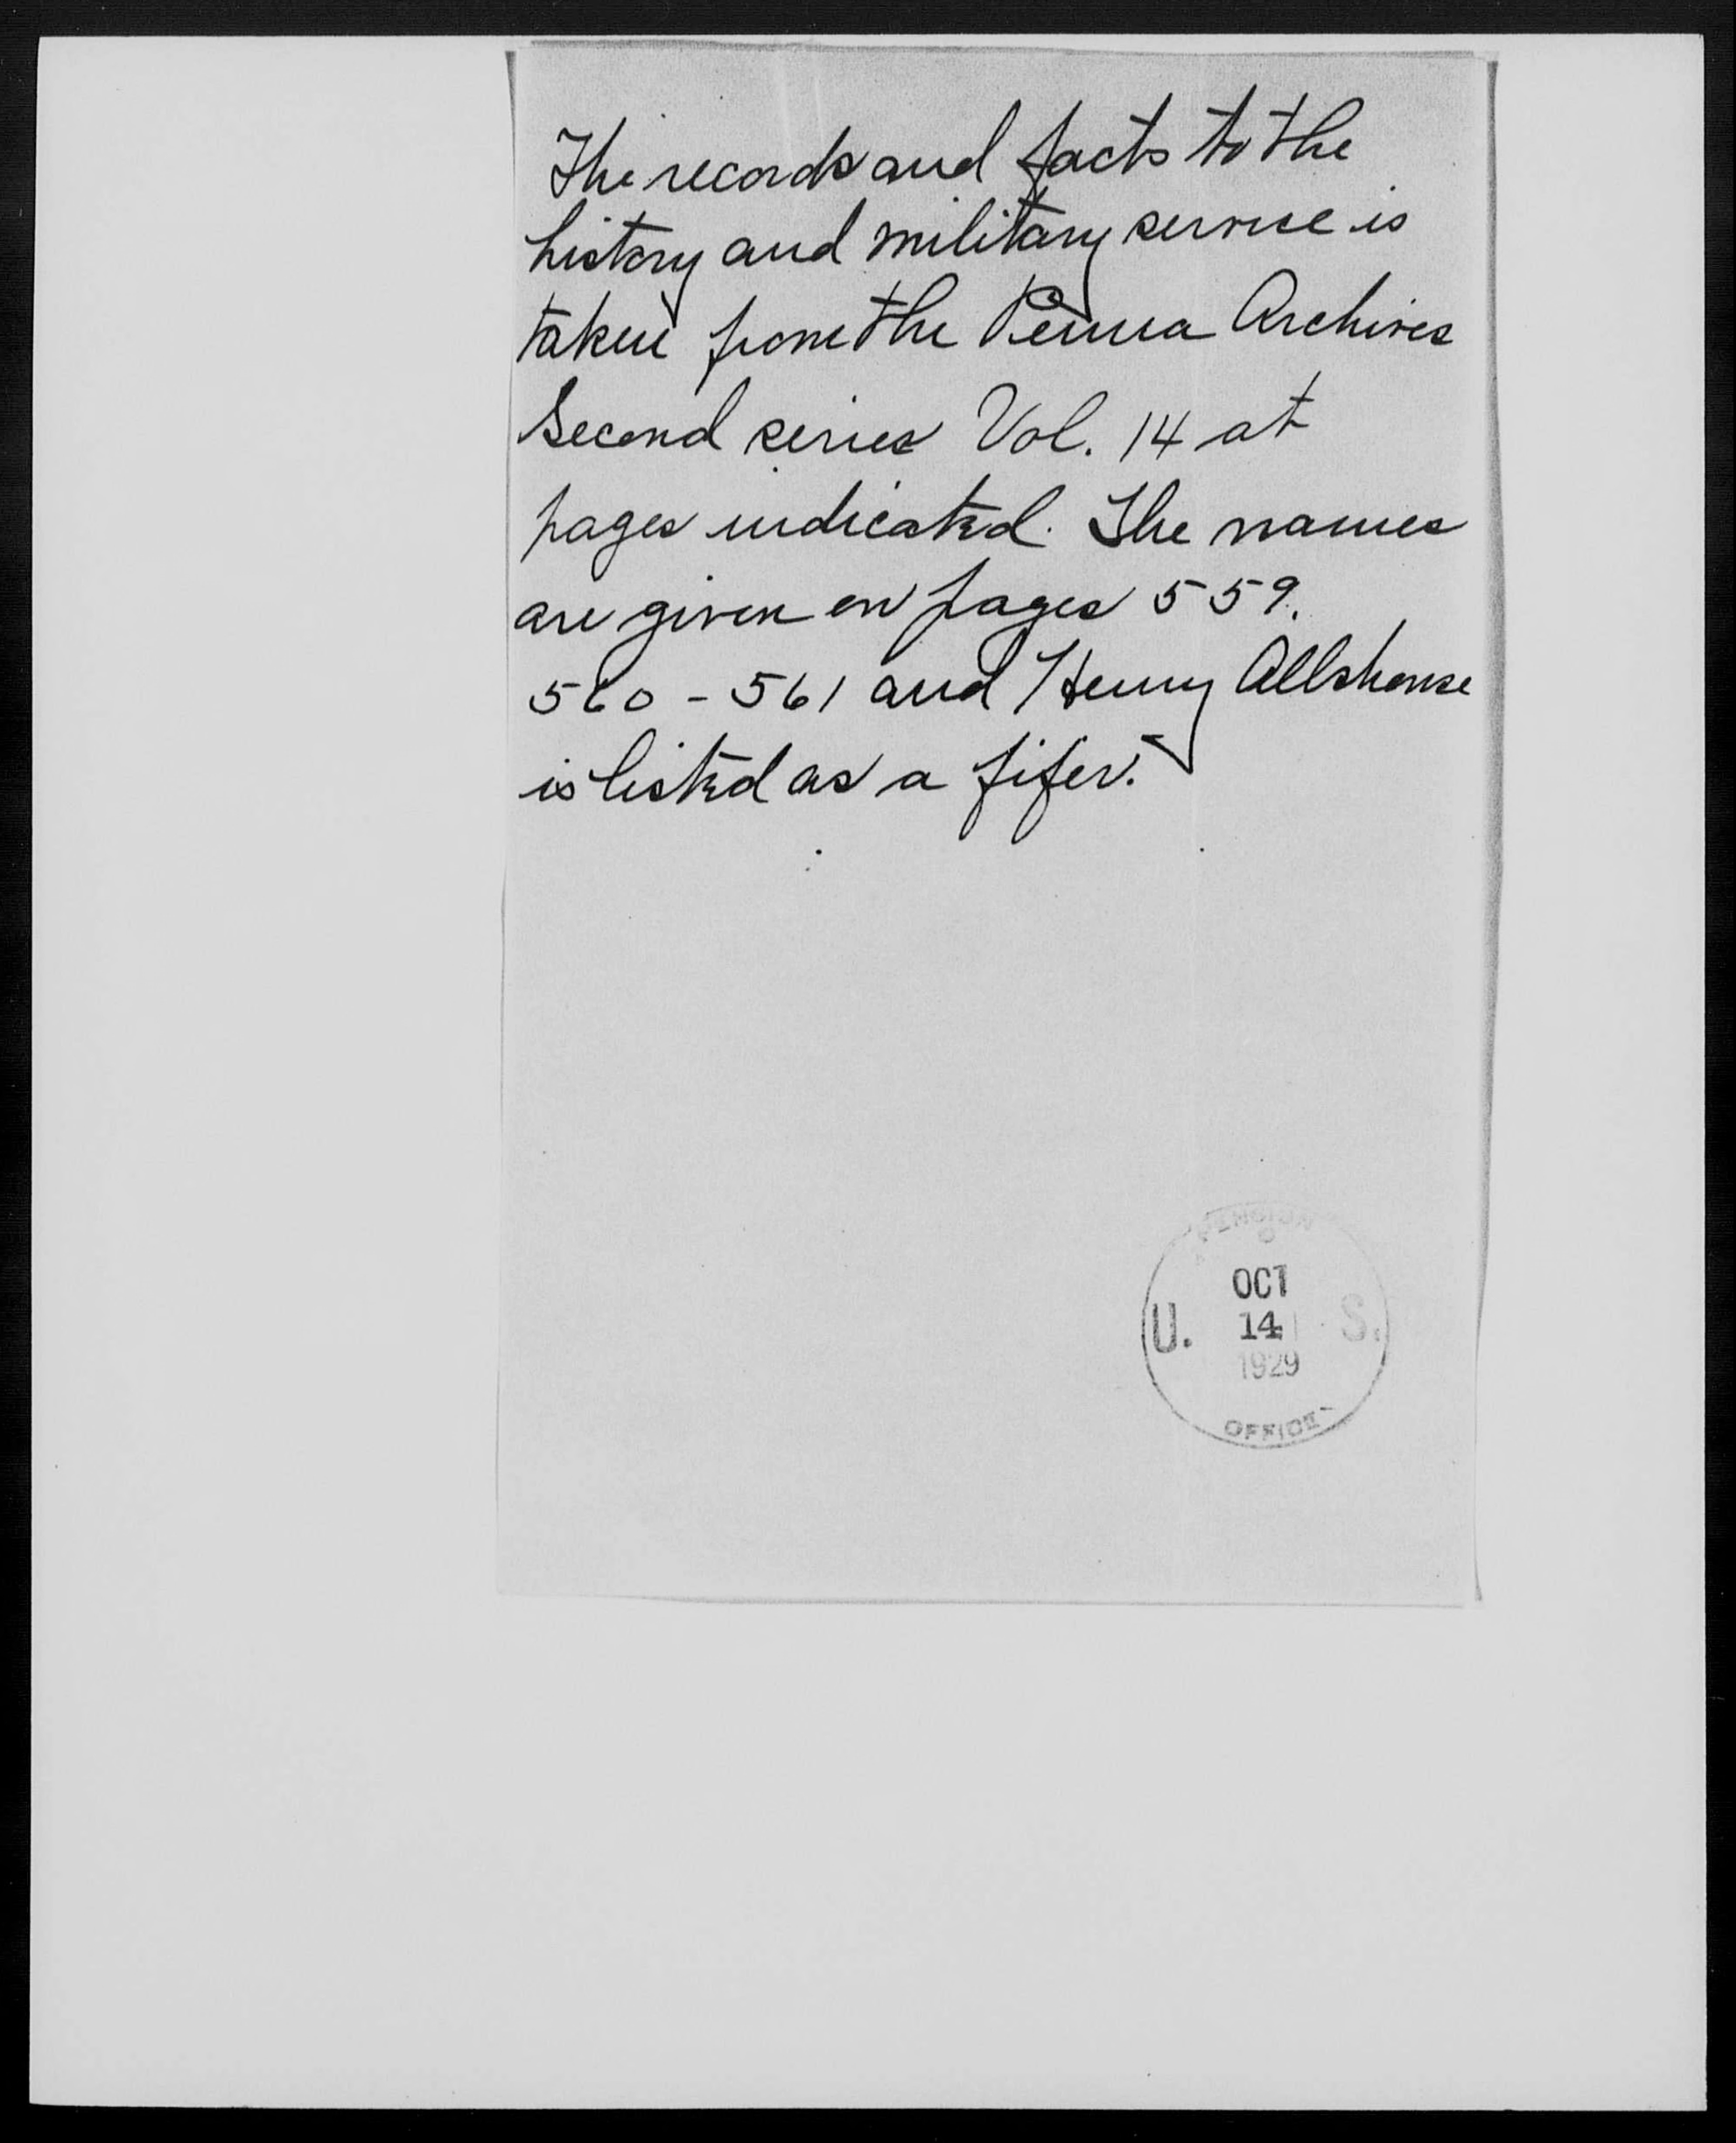The records and facts to the
history and military service is
taken from the Penna Archives
Second series Vol. 14 at
pages indicated. The names
are given on pages 559.
560-561 and Henry Allshouse
is listed as a fifer.

U. S PENSION OFFICE
OCT 14 1929
[Above is Round Stamp]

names: Henry Allshouse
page: 20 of 24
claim: survivor's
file: S. 2032, Henry Allshouse, Penn.